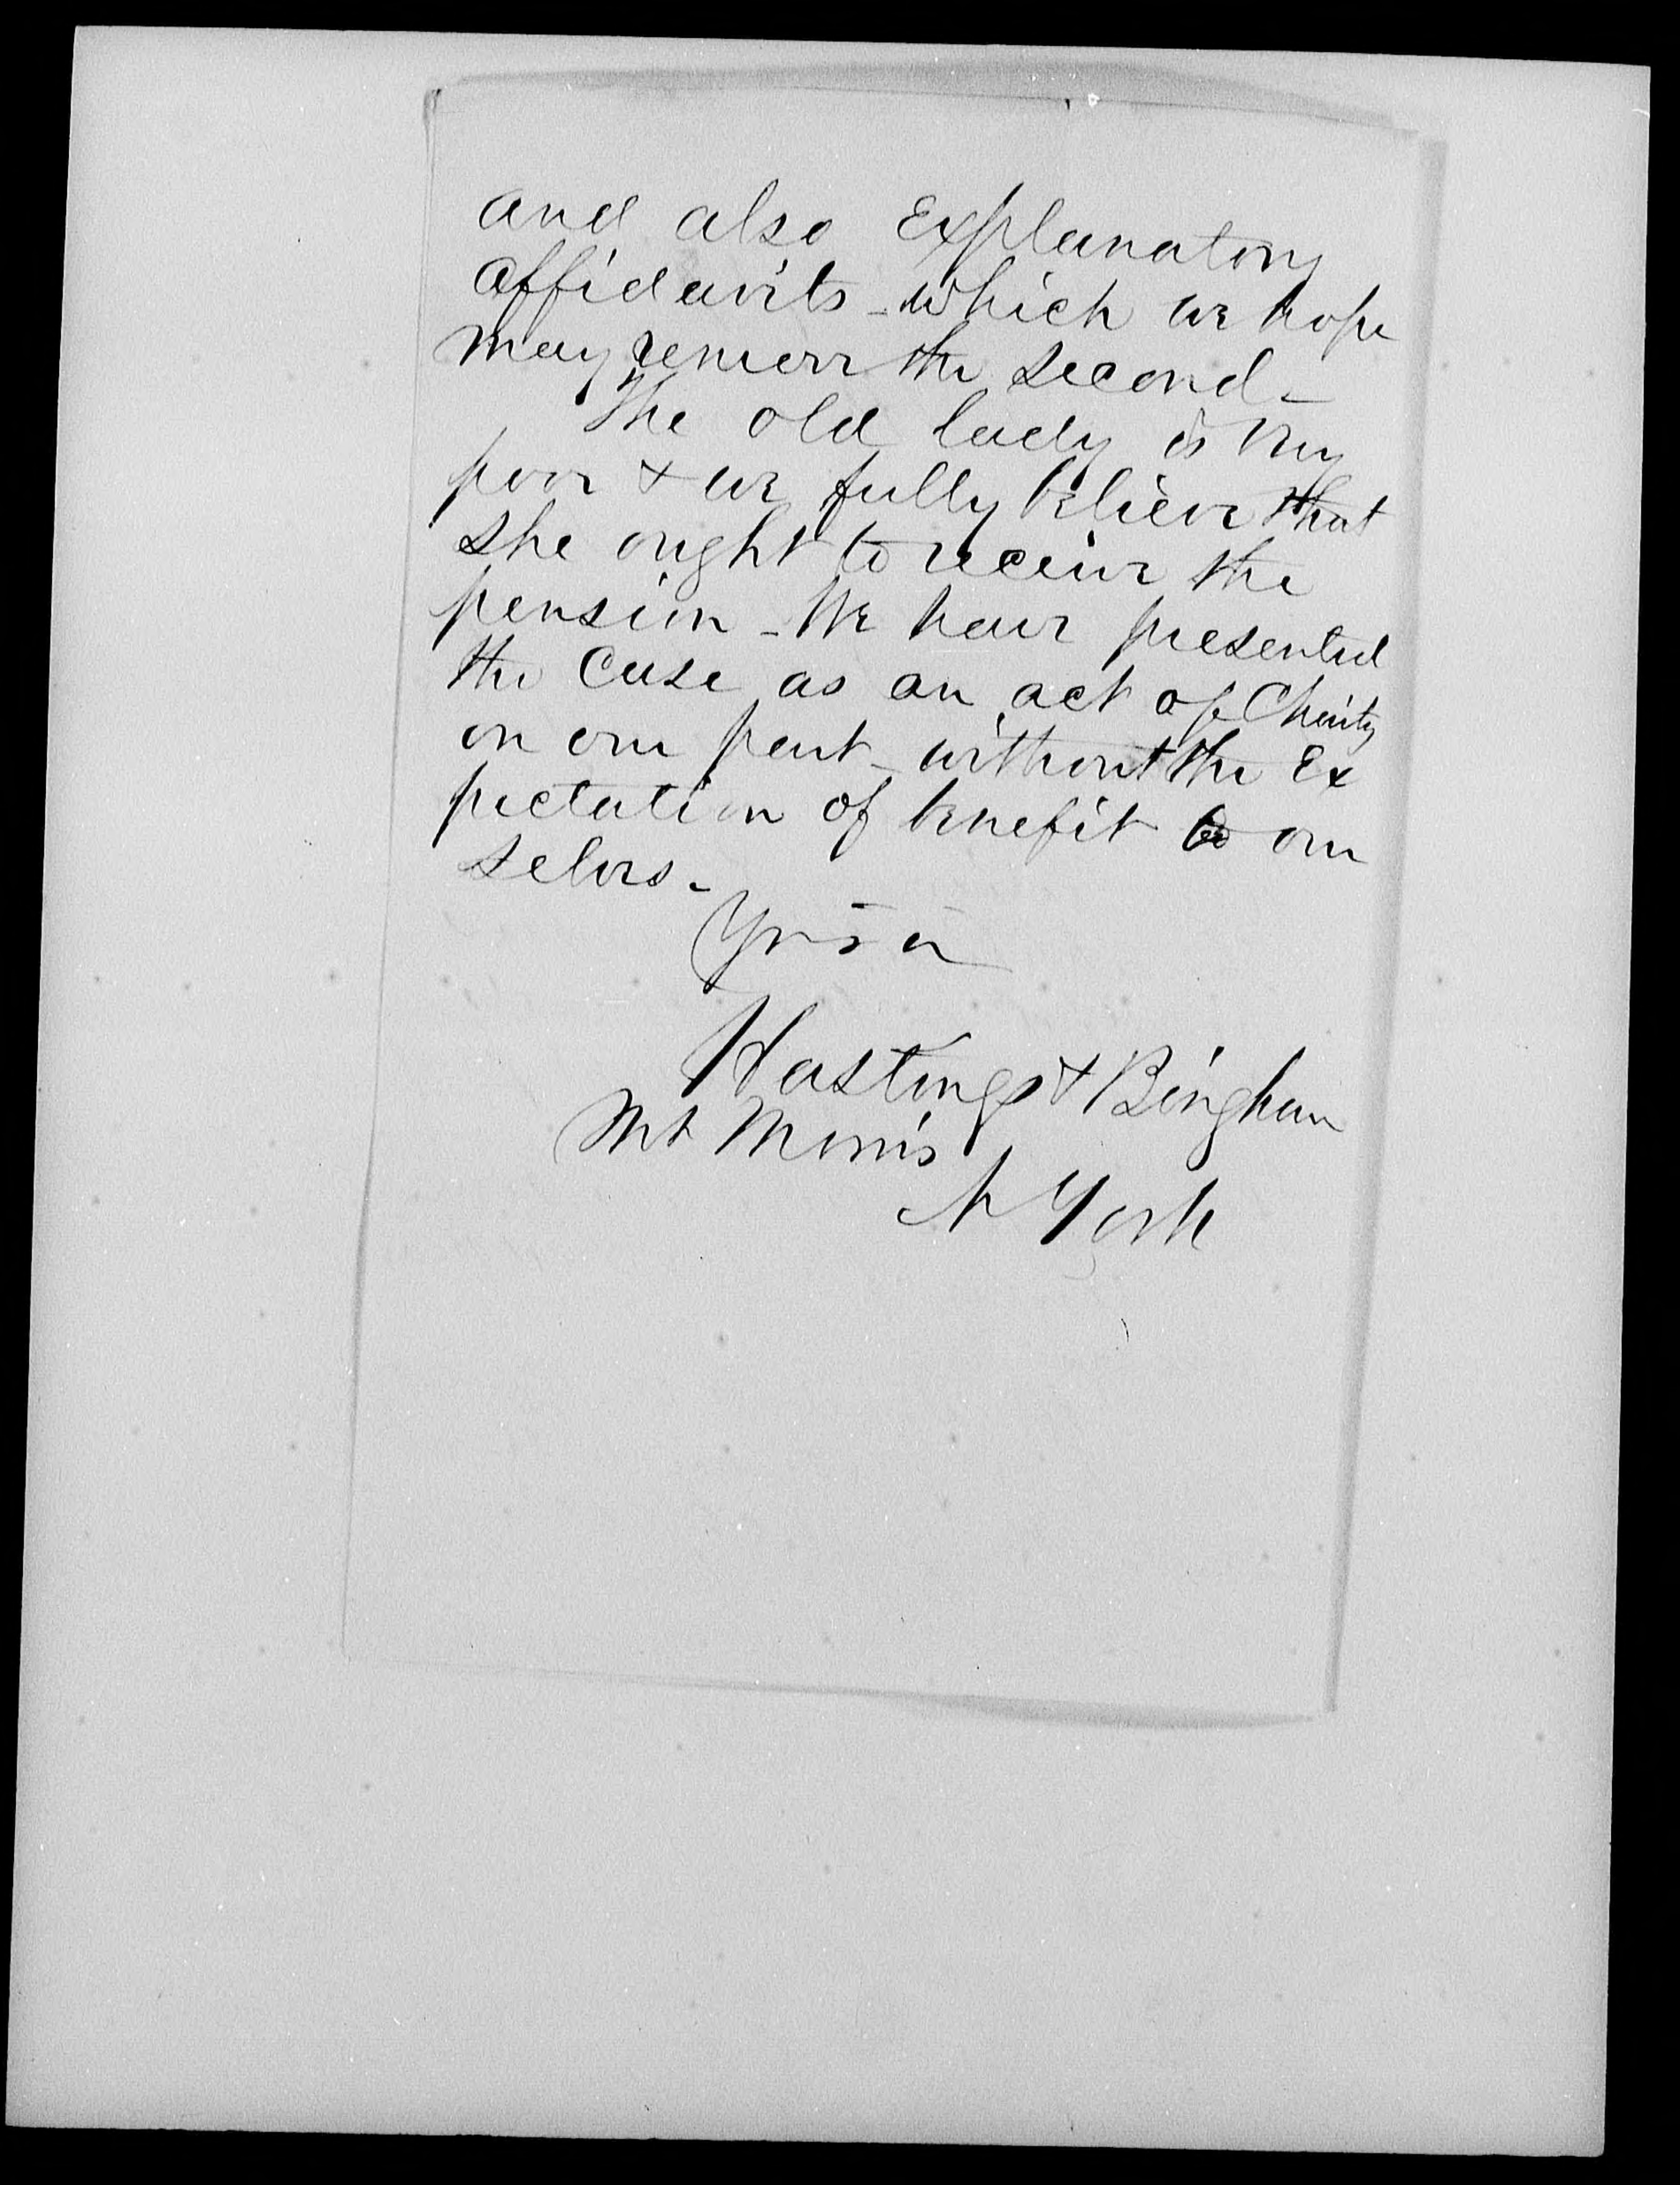and also explanatory
affidavits which
may we hope may
cover the second.
for & we fully believe that
she ought to receive the
pension. We have presented
the case as an act of charity
on our part, without the 
expectation of benefit to or
ourselves
Yours
Hastings & Bingham
N York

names: Bingham, Hastings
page: 28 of 41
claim: widow's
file: W. 9819, Nathaniel Cumings, Vt.